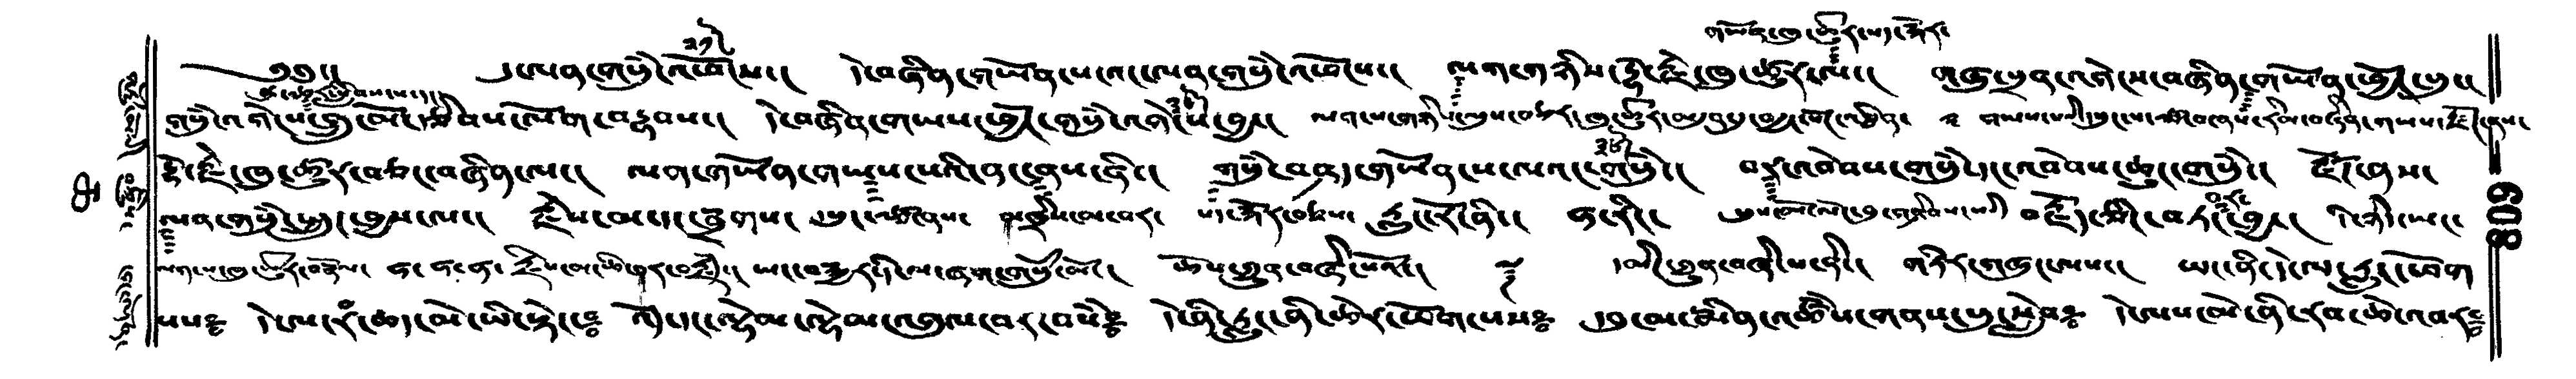དུ་ལན་གསུམ་འཕང་། །དེ་བཞིན་གཡོན་པ་འང་ལན་གསུམ་འཕང་། །ལག་གཉིས་རྡོ་རྗེ་ཁུ་ཚུར་ལ། །གཞུ་ ( སྲན་ ? )འགེངས་བཞིན་གཡོན་ཕྱོགས་སུ། །
གསུམ་འགེངས་གྲུ་མོ་རྩིབས་ལོགས་བརྡབ། །དེ་བཞིན་གཡས་ཕྱོགས་གསུམ་འགེངས་བྱ། །
རྡོ་རྗེ་ཁུ་ཚུར་བཅང་བཞིན་ལ། །ལག་གཡོན་གཡས་པའི་ནང་ནས་ནི། །གསུམ་བཤད་གཡོན་པ་ལའང་གསུམ། །བར་འབེབས་གསུམ་དང་འབེབས་ཆུང་གསུམ། །རྫོགས་ནས་
ལན་གསུམ་སྤྲུགས་བྱས་ལ། །རྗེས་མ་དང་སྦྲགས་རླུང་རོ་ནི། །ཧ་རིང་བརྗོད་ཅིང་བཏང་བར་བྱ། དེ་ཉིད་ཡང་
ཡང་བསྐྱར་དེ་ལ་ཞག་གསུམ་མོ། ཆོས་ཐུན་བཞི་པའོ། ༈ དམིགས་ཐུན་བཞི་པ་ནི། གཏེར་གཞུང་ལས། ཡང་ནི་དེ་ལ་རླུང་ཕོག་
པས༔ དེ་ལ་རྃ་ཆེད་མེ་ཡི་སྟེང༔ འོད་དང་ལྷེམ་ལྷེམ་འགུལ་བར་བསམ༔ དེ་ནས་རླུང་ནི་ཆེར་གཡོས་པས༔ དབུ་མ་སྨིན་མཚམས་གནས་སུ་སླེབ༔ དེ་ལས་མེ་ནི་རབ་ཆེ་འབར༔